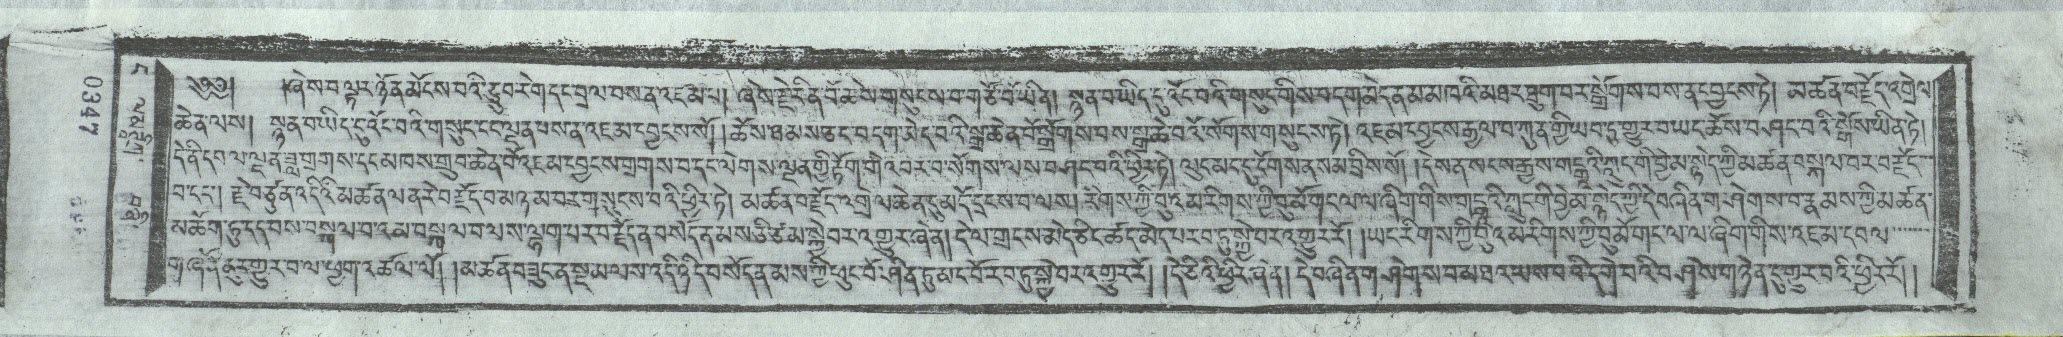༄༅། །ཞེས་པ་ལྟར་ཉོན་མོངས་བའི་ཧྲུབ་རེག་དང་བྲལ་ས་ན་འཇམ་པ། ཞེས་རྗེ་རིན་བོ་ཆེས་གསུངས་བ་གཙོ་བོ་ཡིན། སྙན་བ་ཡིད་དུ་འོང་བའི་གསུང་གིས་བདག་མེད་ནམ་མཁའི་མཐར་ཐུག་བར་སྒྲོགས་བས་ན་དབྱངས་ཏེ། མཚན་བརྗོད་འགྲེལ་
ཆེན་ལས། སྙན་བ་ཡིད་དུ་འོང་བའི་གསུང་དང་ལྡན་པས་ན་འཇམ་དབྱངས་སོ། །ཆོས་ཐམས་ཅད་བདག་མེད་པའི་སྒྲ་ཆེན་པོ་སྒྲོགས་པས་སྒྲ་ཆེ་བའོ་སོགས་གསུངས་ཏེ། འཇམ་དབྱངས་རྒྱལ་བ་ཀུན་གྱི་ཡབ་དུ་གྱུར་བ་ཡང་ཆོས་བཤད་པའི་སྒོས་ཡིན་ཏེ།
དེ་ནི་དཔལ་ལྡན་ཟླ་གྲགས་དང་མཁས་གྲུབ་ཆེན་པོ་འཇམ་དབྱངས་གྲགས་བ་དང་ལེགས་ལྡན་གྱི་རྟོག་གེ་འབར་བ་སོགས་ལས་བཤད་པའི་ཕྱིར་ཏེ། ལུང་མང་དུ་དོགས་ནས་མ་བྲིས་སོ། །དེས་ན་སངས་རྒྱས་གངྒཱའི་ཀླུང་གི་བྱེ་མ་སྙེད་ཀྱི་མཚན་བསྐལ་བར་བརྗོད་
བ་དང་། རྗེ་བཙུན་འདིའི་མཚན་ལན་རེ་བརྗོད་བ་མཉམ་བར་གསུངས་བའི་ཕྱིར་ཏེ། མཚན་བརྗོད་འགྲེལ་ཆེན་དུ་མདོ་དྲངས་བ་ལས། རིགས་ཀྱི་བུའམ་རིགས་ཀྱི་བུ་མོ་གང་ལ་ལ་ཞིག་གིས་གངྒཱའི་ཀླུང་གི་བྱེ་མ་སྙེད་ཀྱི་དེ་བཞིན་གཤེགས་བ་རྣམས་ཀྱི་མཚན་
མཆོག་ཏུ་ངད་བས་བསྐལ་བ་འམ་བསྐལ་བ་ལས་ལྷག་པར་བརྗོད་ན་བསོད་ནམས་ཅི་ཙམ་སྐྱེ་བར་འགྱུར་ཞེ་ན། དེ་ལ་གྲངས་མེད་ཅིང་ཚད་མེད་པ་རབ་ཏུ་སྐྱེ་བར་འགྱུར་རོ། །ཡང་རིགས་ཀྱི་བུའམ་རིགས་ཀྱི་བུ་མོ་གང་ལ་ལ་ཞིག་གིས་འཇམ་དཔལ་
གཞོན་ནུར་གྱུར་བ་ལ་ཕྱག་འཚལ་ལོ། །མཚན་བཟུང་ན་སྡམ་ལས་འདི་ཉིད་བསོད་ནམས་ཀྱི་ཕུང་བོ་ཤིན་ཏུ་མང་བོ་རབ་ཏུ་སྐྱེ་བར་འགྱུར་རོ། །དེ་ཅིའི་ཕྱིར་ཞེ་ན། དེ་བཞིན་གཤེགས་བ་མཐའ་ཡས་བའི་དགེ་བའི་བཤེས་གཉེན་དུ་གྱུར་བའི་ཕྱིར་རོ། །